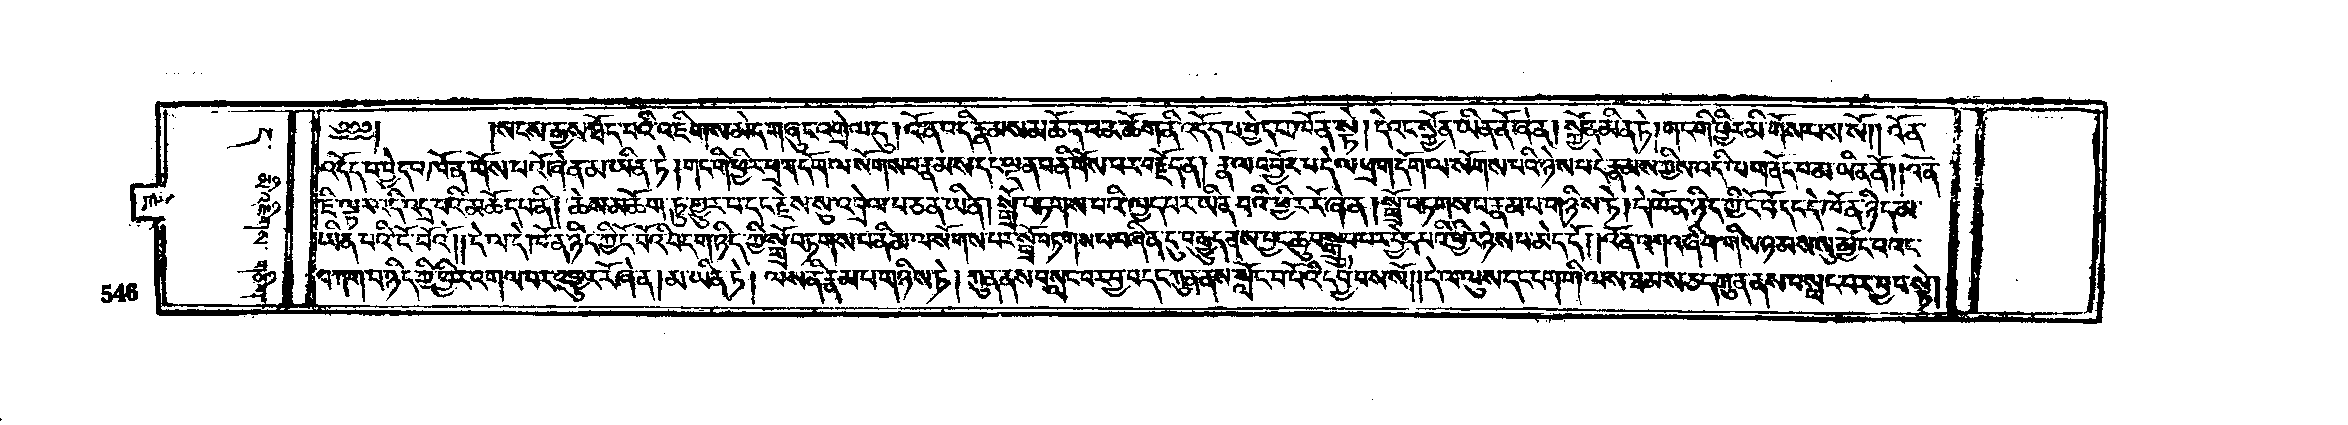༄༅༅། །སངས་རྒྱས་ཐོད་པའི་འཇིགས་མེད་གཞུང་འགྲེལ་དུ། འོ་ན་འདི་རྣམས་མཆོད་པ་མཆོག་ནི་འདོད་པ་བྱེད་པ་ཁོ་ན་སྟེ། དེའང་སྐྱོན་ཡིན་ནོ་ཞེ་ན། སྐྱོན་མིན་ཏེ། གང་གི་ཕྱིར་མི་གོས་པས་སོ། །འོ་ན་
འདོད་པ་བྱེད་པ་ཁོ་ན་གོས་པའོ་ཞེ་ན་མ་ཡིན་ཏེ། གང་གི་ཕྱིར་ཕྲག་དོག་ལ་སོགས་པ་རྣམས་དང་ལྡན་པ་ནི་གོས་པར་བརྗོད་ན། རྣལ་འབྱོར་པ་དེ་ལ་ཕྲག་དོག་ལ་སོགས་པའི་ཉེས་པ་དེ་རྣམས་ཀྱིས་འདི་ལ་གནོད་པ་མ་ཡིན་ནོ། །འོ་ན་
ཇི་ལྟར་འདི་འདྲ་བའི་མཆོད་པ་ནི། ཆེས་མཆོག་ཏུ་གྱུར་པ་དང་རྗེས་སུ་འབྲེལ་པ་ཅན་ཡིན། སྒྲོ་བཏགས་པའི་ཁྱད་པར་ཡིན་པའི་ཕྱིར་རོ་ཞེ་ན། སྒྲོ་བཏགས་པ་རྣམ་པ་གཉིས་ཏེ། དེ་ཁོ་ན་ཉིད་ཀྱི་ངོ་བོ་དང་དེ་ཁོ་ན་ཉིད་མ་
ཡིན་པའི་ངོ་བོའོ། །དེ་ལ་དེ་ཁོ་ན་ཉིད་ཀྱི་ངོ་བོའི་བདག་ཉིད་ཀྱི་སྒྲོ་བཏགས་པ་ནི་མ་ལ་སོགས་པར་སྤྲོ་བཏགས་པ་བཞིན་དུ་བརྒྱུད་ནས་བྱང་ཆུབ་བསྒྲུབ་པར་བྱེད་པའི་ཕྱིར་ཉེས་པ་མེད་དོ། །འོན་འགའ་ཞིག་གིས་ཉམས་སུ་མྱོང་བའང་
བཀག་པ་ཉིད་ཀྱི་ཕྱིར་འགལ་བར་འགྱུར་རོ་ཞེ་ན། མ་ཡིན་ཏེ། ལས་ནི་རྣམ་པ་གཉིས་ཏེ། ཀུན་ནས་བསླང་བར་བྱ་བ་དང་ཀུན་ནས་སློང་བ་པོའི་དབྱེ་བས་སོ། །དེ་ལ་ལུས་དང་ངག་གི་ལས་ཐམས་ཅད་ཀུན་ནས་བསླང་བར་བྱ་བ་སྟེ།